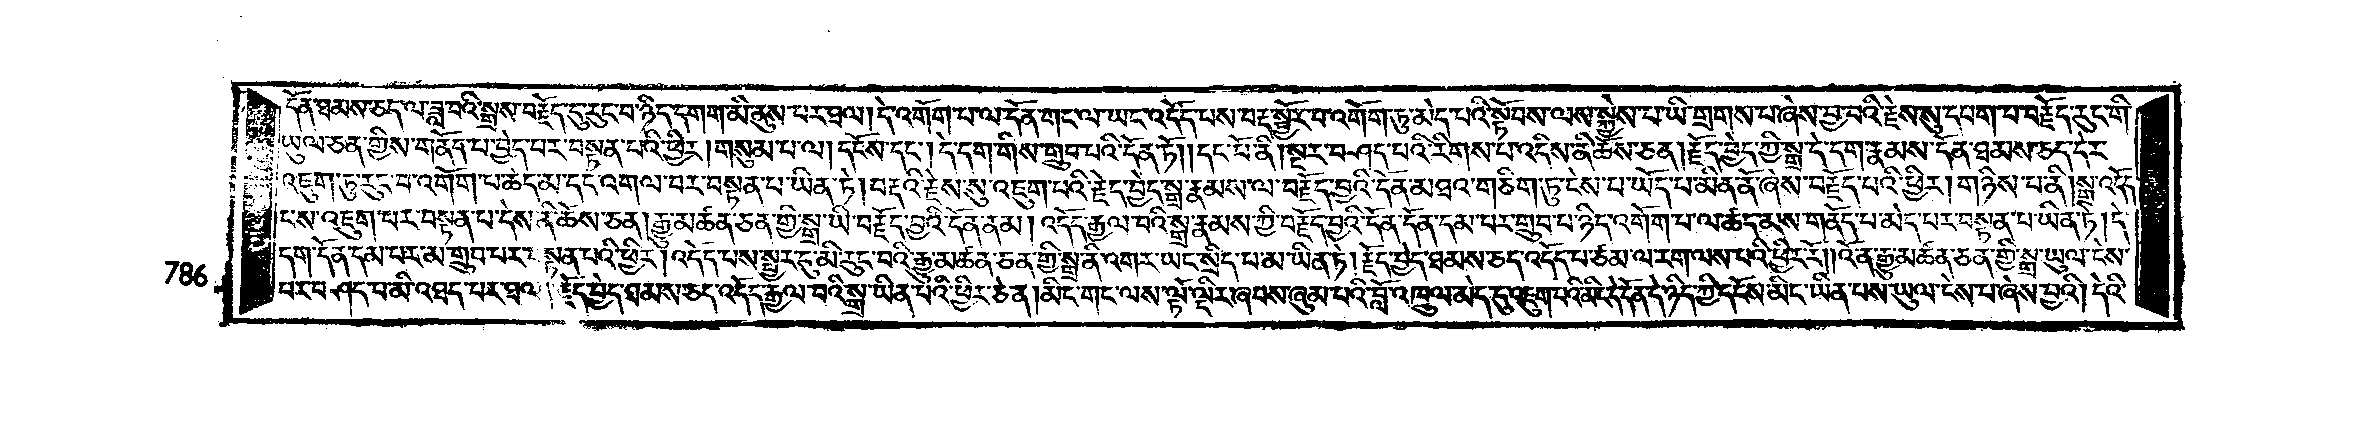དོན་ཐམས་ཅད་ལ་ཟླ་བའི་སྒྲས་བརྗོད་དུ་རུང་བ་ཉིད་དགག་མི་ནུས་པར་ཐལ། དེ་འགོག་པ་ལ་དོན་གང་ལ་ཡང་འདོད་པས་བརྡ་སྦྱོར་བ་འགོག་ཏུ་མེད་པའི་སྟོབས་ལས་སྐྱེས་པ་ཡི་གྲགས་པ་ཞེས་བྱ་བའི་རྗེས་སུ་དཔག་པ་བརྗོད་རུང་གི་
ཡུལ་ཅན་གྱིས་གནོད་པ་བྱེད་པར་བསྟན་པའི་ཕྱིར། གསུམ་པ་ལ། དངོས་དང་། དེ་དག་གིས་གྲུབ་པའི་དོན་ཏོ། །དང་པོ་ནི། སྔར་བཤད་པའི་རིགས་པ་འདིས་ནི་ཆོས་ཅན། རྗོད་བྱེད་ཀྱི་སྒྲ་དེ་དག་རྣམས་དོན་ཐམས་ཅད་དེར་
འཇུག་ཏུ་རུང་བ་འགོག་པ་ཚད་མ་དང་འགལ་བར་བསྟན་པ་ཡིན་ཏེ། བརྡའི་རྗེས་སུ་འཇུག་པའི་རྗོད་?་བྱེད་སྒྲ་རྣམས་ལ་བརྗོད་བྱའི་དོན་མཐའ་གཅིག་ཏུ་ངེས་པ་ཡོད་པ་མིན་ནོ་ཞེས་བརྗོད་པའི་ཕྱིར། གཉིས་པ་ནི། སྒྲ་འདོད་
པས་འཇུག་པར་བསྟན་པ་དེས་ནི་ཆོས་ཅན། རྒྱུ་མཚན་ཅན་གྱི་སྒྲ་ཡི་བརྗོད་བྱའི་དོན་ནམ། འདོད་རྒྱལ་བའི་སྒྲ་རྣམས་ཀྱི་བརྗོད་བྱའི་དོན་དོན་དམ་པར་གྲུབ་པ་ཉིད་འགོག་པ་ལ་ཚད་མས་གནོད་པ་མེད་པར་བསྟན་པ་ཡིན་ཏེ། དེ་
དག་དོན་དམ་པར་མ་གྲུབ་པར་བསྟན་པའི་ཕྱིར། འདོད་པས་སྦྱར་?་དུ་མི་རུང་བའི་རྒྱུ་མཚན་ཅན་གྱི་སྒྲ་ནི་འགར་ཡང་སྲིད་པ་མ་ཡིན་ཏེ། རྗོད་བྱེད་ཐམས་ཅད་འདོད་པ་ཙམ་ལ་རག་ལས་པའི་ཕྱིར་རོ། །འོ་ན་རྒྱུ་མཚན་ཅན་གྱི་སྒྲ་ཡུལ་ངེས་
པར་བཤད་པ་མི་འཐད་པར་ཐལ། རྗོད་བྱེད་ཐམས་ཅད་འདོད་རྒྱལ་བའི་སྒྲ་ཡིན་པའི་ཕྱིར་ཅེ་ན། མིང་གང་ལས་ལྟོ་ལྡིར་ཞབས་ཞུམ་པའི་བློ་འཁྲུལ་མེད་དུ་འཇུག་པའི་མིང་དེ་དོན་དེ་ཉིད་ཀྱི་དངོས་མིང་ཡིན་པས་ཡུལ་ངེས་པ་ཞེས་བྱའི། དེའི་